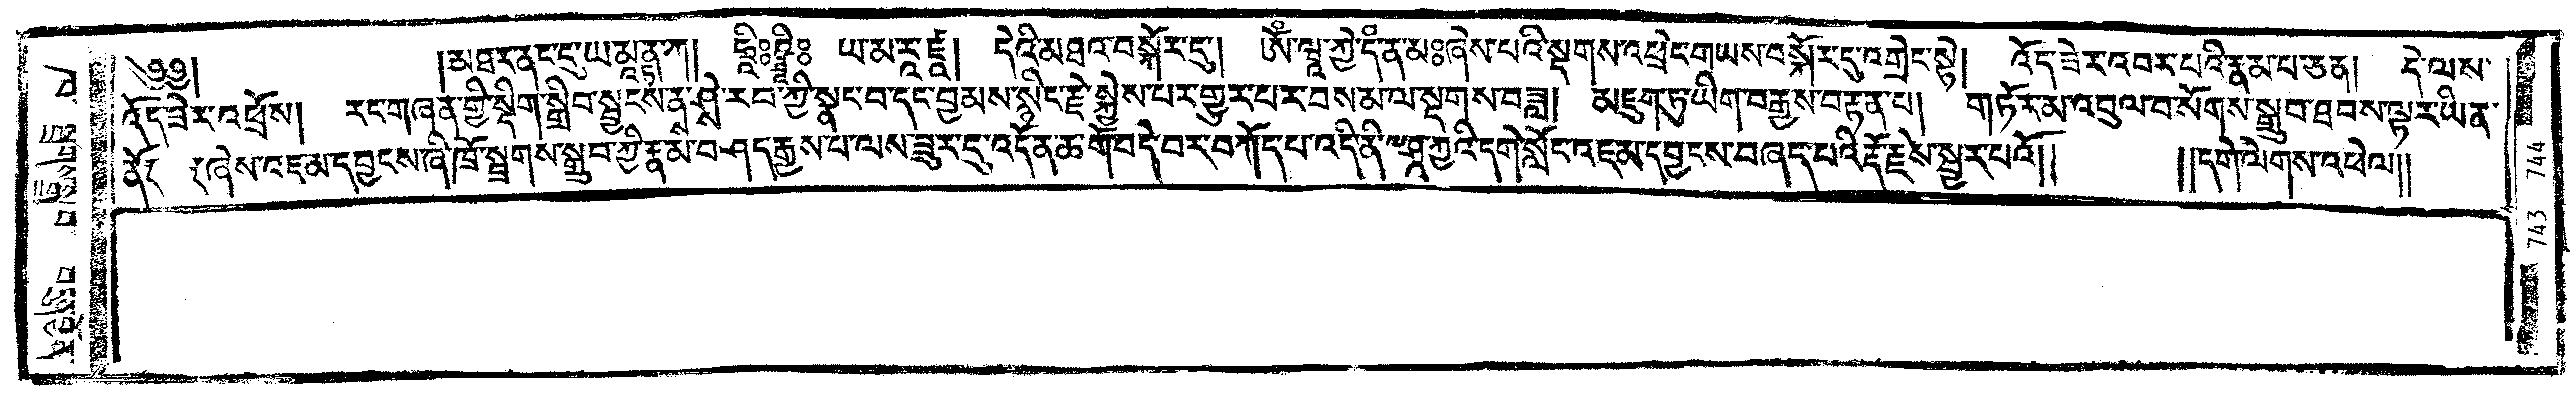༄༅། །མཐར་ནང་དུ་ཡ་མཱནྟ་ཀ། ཧྲཱིཿཥྚཱིཿ ཡ་མ་རཱ་ཛཱ། དེའི་མཐའ་བསྐོར་དུ། ཨོཾ་ཝཱ་ཀྱེ་དཾ་ན་མཿཞེས་པའི་སྔགས་འཕྲེང་གཡས་བསྐོར་དུ་འགྲེང་སྟེ། འོད་ཟེར་འབར་པའི་རྣམ་པ་ཅན། དེ་ལས་
འོད་ཟེར་འཕྲོས། རང་གཞན་གྱི་སྡིག་སྒྲིབ་སྦྱངས་ནས་ཤེས་རབ་ཀྱི་སྣང་བ་དང་བྱམས་སྙིང་རྗེ་སྐྱེས་པར་གྱུར་པར་བསམ་ལ་སྔགས་བཟླ། མཇུག་ཏུ་ཡིག་བརྒྱས་བརྟན་པ། གཏོར་མ་འབུལ་བ་སོགས་སྒྲུབ་ཐབས་ལྟར་ཡིན་
ནོ༑ ༑ཞེས་འཇམ་དབྱངས་ཞི་ཁྲོ་སྦྲགས་སྒྲུབ་ཀྱི་རྣམ་བཤད་རྒྱས་པ་ལས་ཟུར་དུ་འདོན་ཆ་གོ་བདེ་བར་བཀོད་པ་འདི་ནི་༧ཤཱཀྱའི་དགེ་སློང་འཇམ་དབྱངས་བཞད་པའི་རྡོ་རྗེས་སྦྱར་པའོ།། །།དགེ་ལེགས་འཕེལ།།